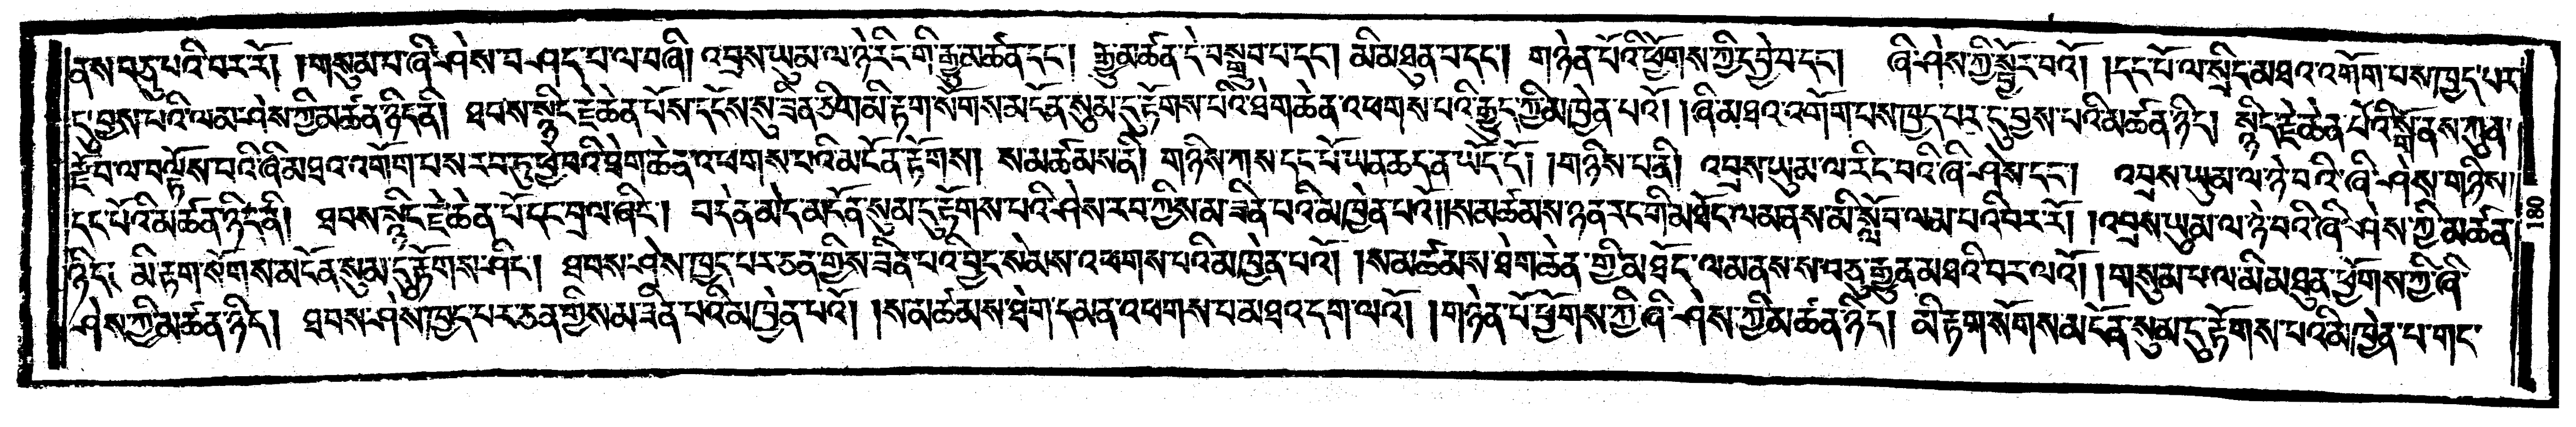ནས་བཅུ་པའི་བར་རོ། །གསུམ་པ་ཞི་ཤེས་བཤད་པ་ལ་བཞི། འབྲས་ཡུམ་ལ་ཉེ་རིང་གི་རྒྱུ་མཚན་དང་། རྒྱུ་མཚན་དེ་བསྒྲུབ་པ་དང་། མི་མཐུན་པ་དང་། གཉེན་པོའི་ཕྱོགས་ཀྱི་དབྱེ་བ་དང་། ཞི་ཤེས་ཀྱི་སྦྱོར་བའོ། །དང་པོ་ལ་སྲིད་མཐའ་འགོག་པས་ཁྱད་པར་
དུ་བྱས་པའི་ལམ་ཤེས་ཀྱི་མཚན་ཉིད་ནི། ཐབས་སྙིང་རྗེ་ཆེན་པོས་དངོས་སུ་ཟིན་ཅིག་མི་རྟག་སོགས་མངོན་སུམ་དུ་རྟོགས་པའི་ཐེག་ཆེན་འཕགས་པའི་རྒྱུད་ཀྱི་མཁྱེན་པའོ། །ཞི་མཐའ་འགོག་པས་ཁྱད་པར་དུ་བྱས་པའི་མཚན་ཉིད། སྙིང་རྗེ་ཆེན་པོའི་སྒོ་ནས་ཀུན་
རྫོབ་ལ་བལྟོས་པའི་ཞི་མཐའ་འགོག་པས་རབ་ཏུ་ཕྱེ་བའི་ཐེག་ཆེན་འཕགས་པའི་མངོན་རྟོགས། ས་མཚམས་ནི། གཉིས་ཀས་དང་པོ་ཡན་ཆད་ན་ཡོད་དོ། །གཉིས་པ་ནི། འབྲས་ཡུམ་ལ་རིང་བའི་ཞི་ཤེས་དང་། འབྲས་ཡུམ་ལ་ཉེ་བའི་ཞི་ཤེས་གཉིས།
དང་པོའི་མཚན་ཉིད་ནི། ཐབས་སྙིང་རྗེ་ཆེན་པོ་དང་བྲལ་ཞིང་། བདེན་མེད་མངོན་སུམ་དུ་རྟོགས་པའི་ཤེས་རབ་ཀྱིས་མ་ཟིན་པའི་མཁྱེན་པའོ། །ས་མཚམས་ཉན་རང་གི་མཐོང་ལམ་ནས་མི་སློབ་ལམ་པའི་བར་རོ། །འབྲས་ཡུམ་ལ་ཉེ་བའི་ཞི་ཤེས་ཀྱི་མཚན་
ཉིད། མི་རྟག་སོགས་མངོན་སུམ་དུ་རྟོགས་ཤིང་། ཐབས་ཤེས་ཁྱད་པར་ཅན་གྱིས་ཟིན་པའི་བྱང་སེམས་འཕགས་པའི་མཁྱེན་པའོ། །ས་མཚམས་ཐེག་ཆེན་གྱི་མཐོང་ལམ་ནས་ས་བཅུ་རྒྱུན་མཐའི་བར་ལའོ། །གསུམ་པ་ལ་མི་མཐུན་ཕྱོགས་ཀྱི་ཞི་
ཤེས་ཀྱི་མཚན་ཉིད། ཐབས་ཤེས་ཁྱད་པར་ཅན་གྱིས་མ་ཟིན་པའི་མཁྱེན་པའོ། །ས་མཚམས་ཐེག་དམན་འཕགས་པ་མཐའ་དག་ལའོ། །གཉེན་པོ་ཕྱོགས་ཀྱི་ཞི་ཤེས་ཀྱི་མཚན་ཉིད། མི་རྟག་སོགས་མངོན་སུམ་དུ་རྟོགས་པའི་མཁྱེན་པ་གང་